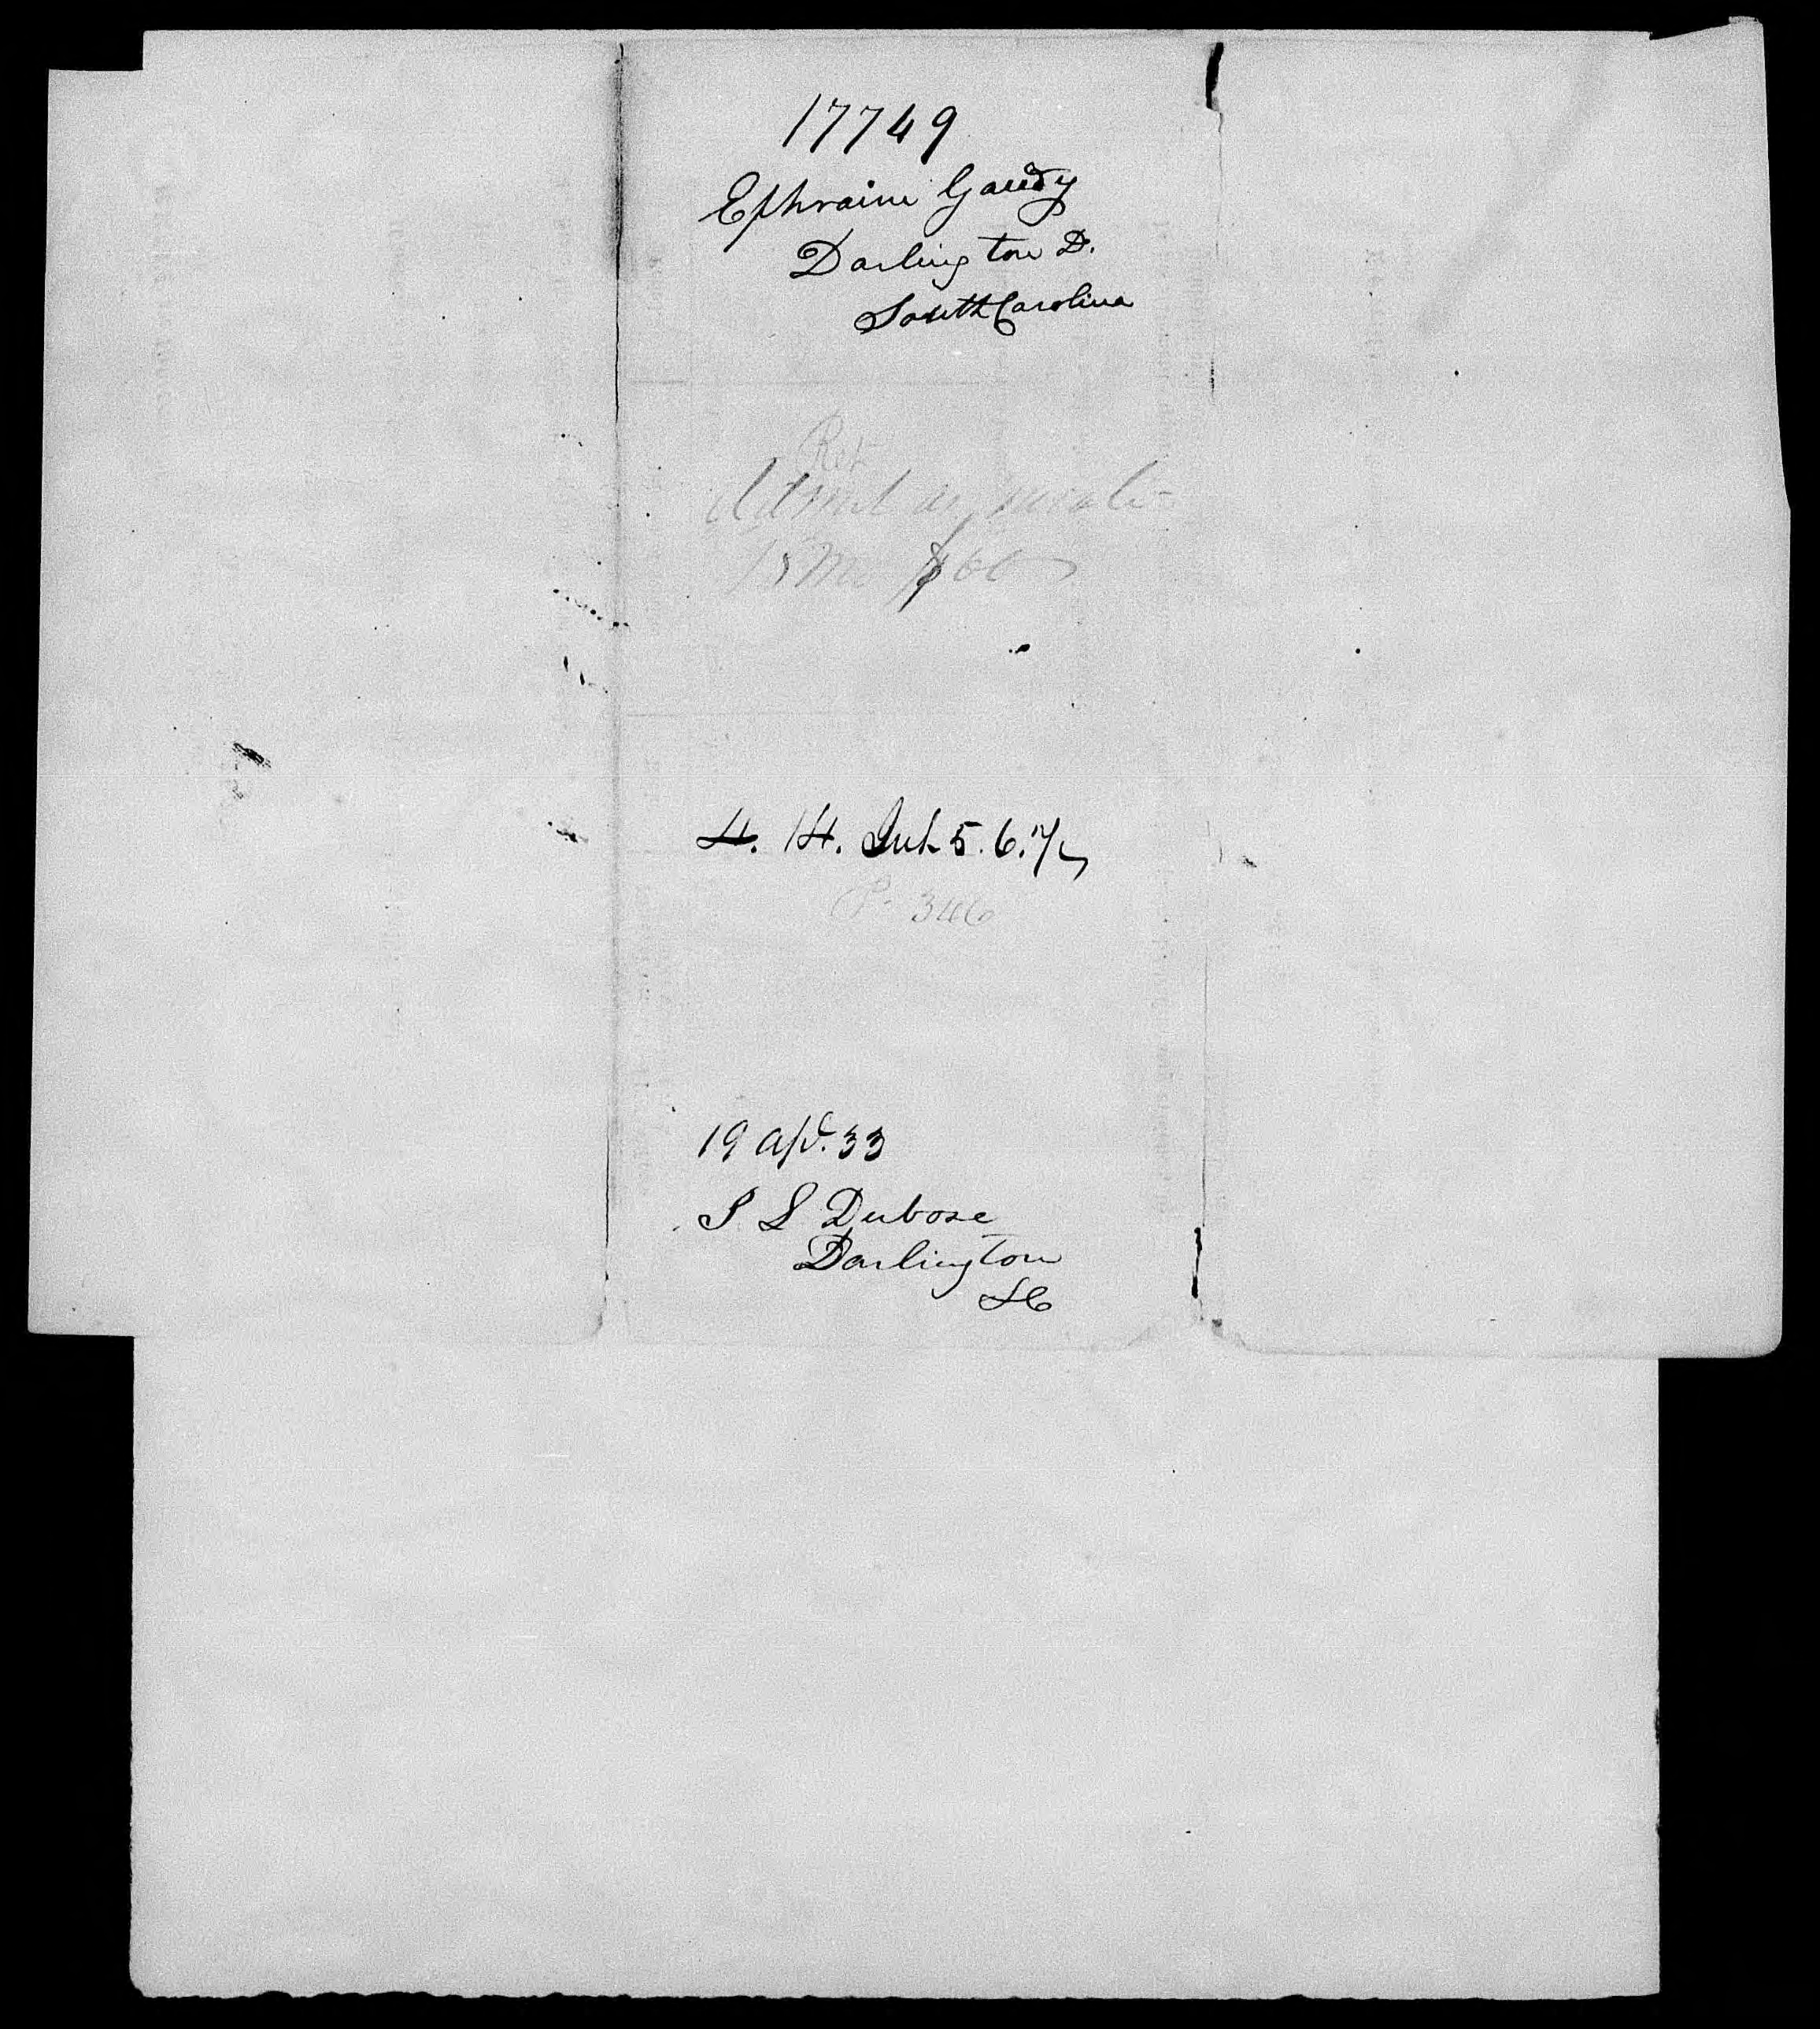17749
Ephraim Gaudy
Darlington
South Carolina
Ret
Admit as private
18 Mo $ [illegible]

H. H. Ind 5.6.7
P 346

19 Apl. 33
S L Dubose
Darlington
SC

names: Ephraim Gaudy, S L Dubose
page: 10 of 12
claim: survivor's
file: S. 17971, Ephraim Gaudy, N.C. S.C.